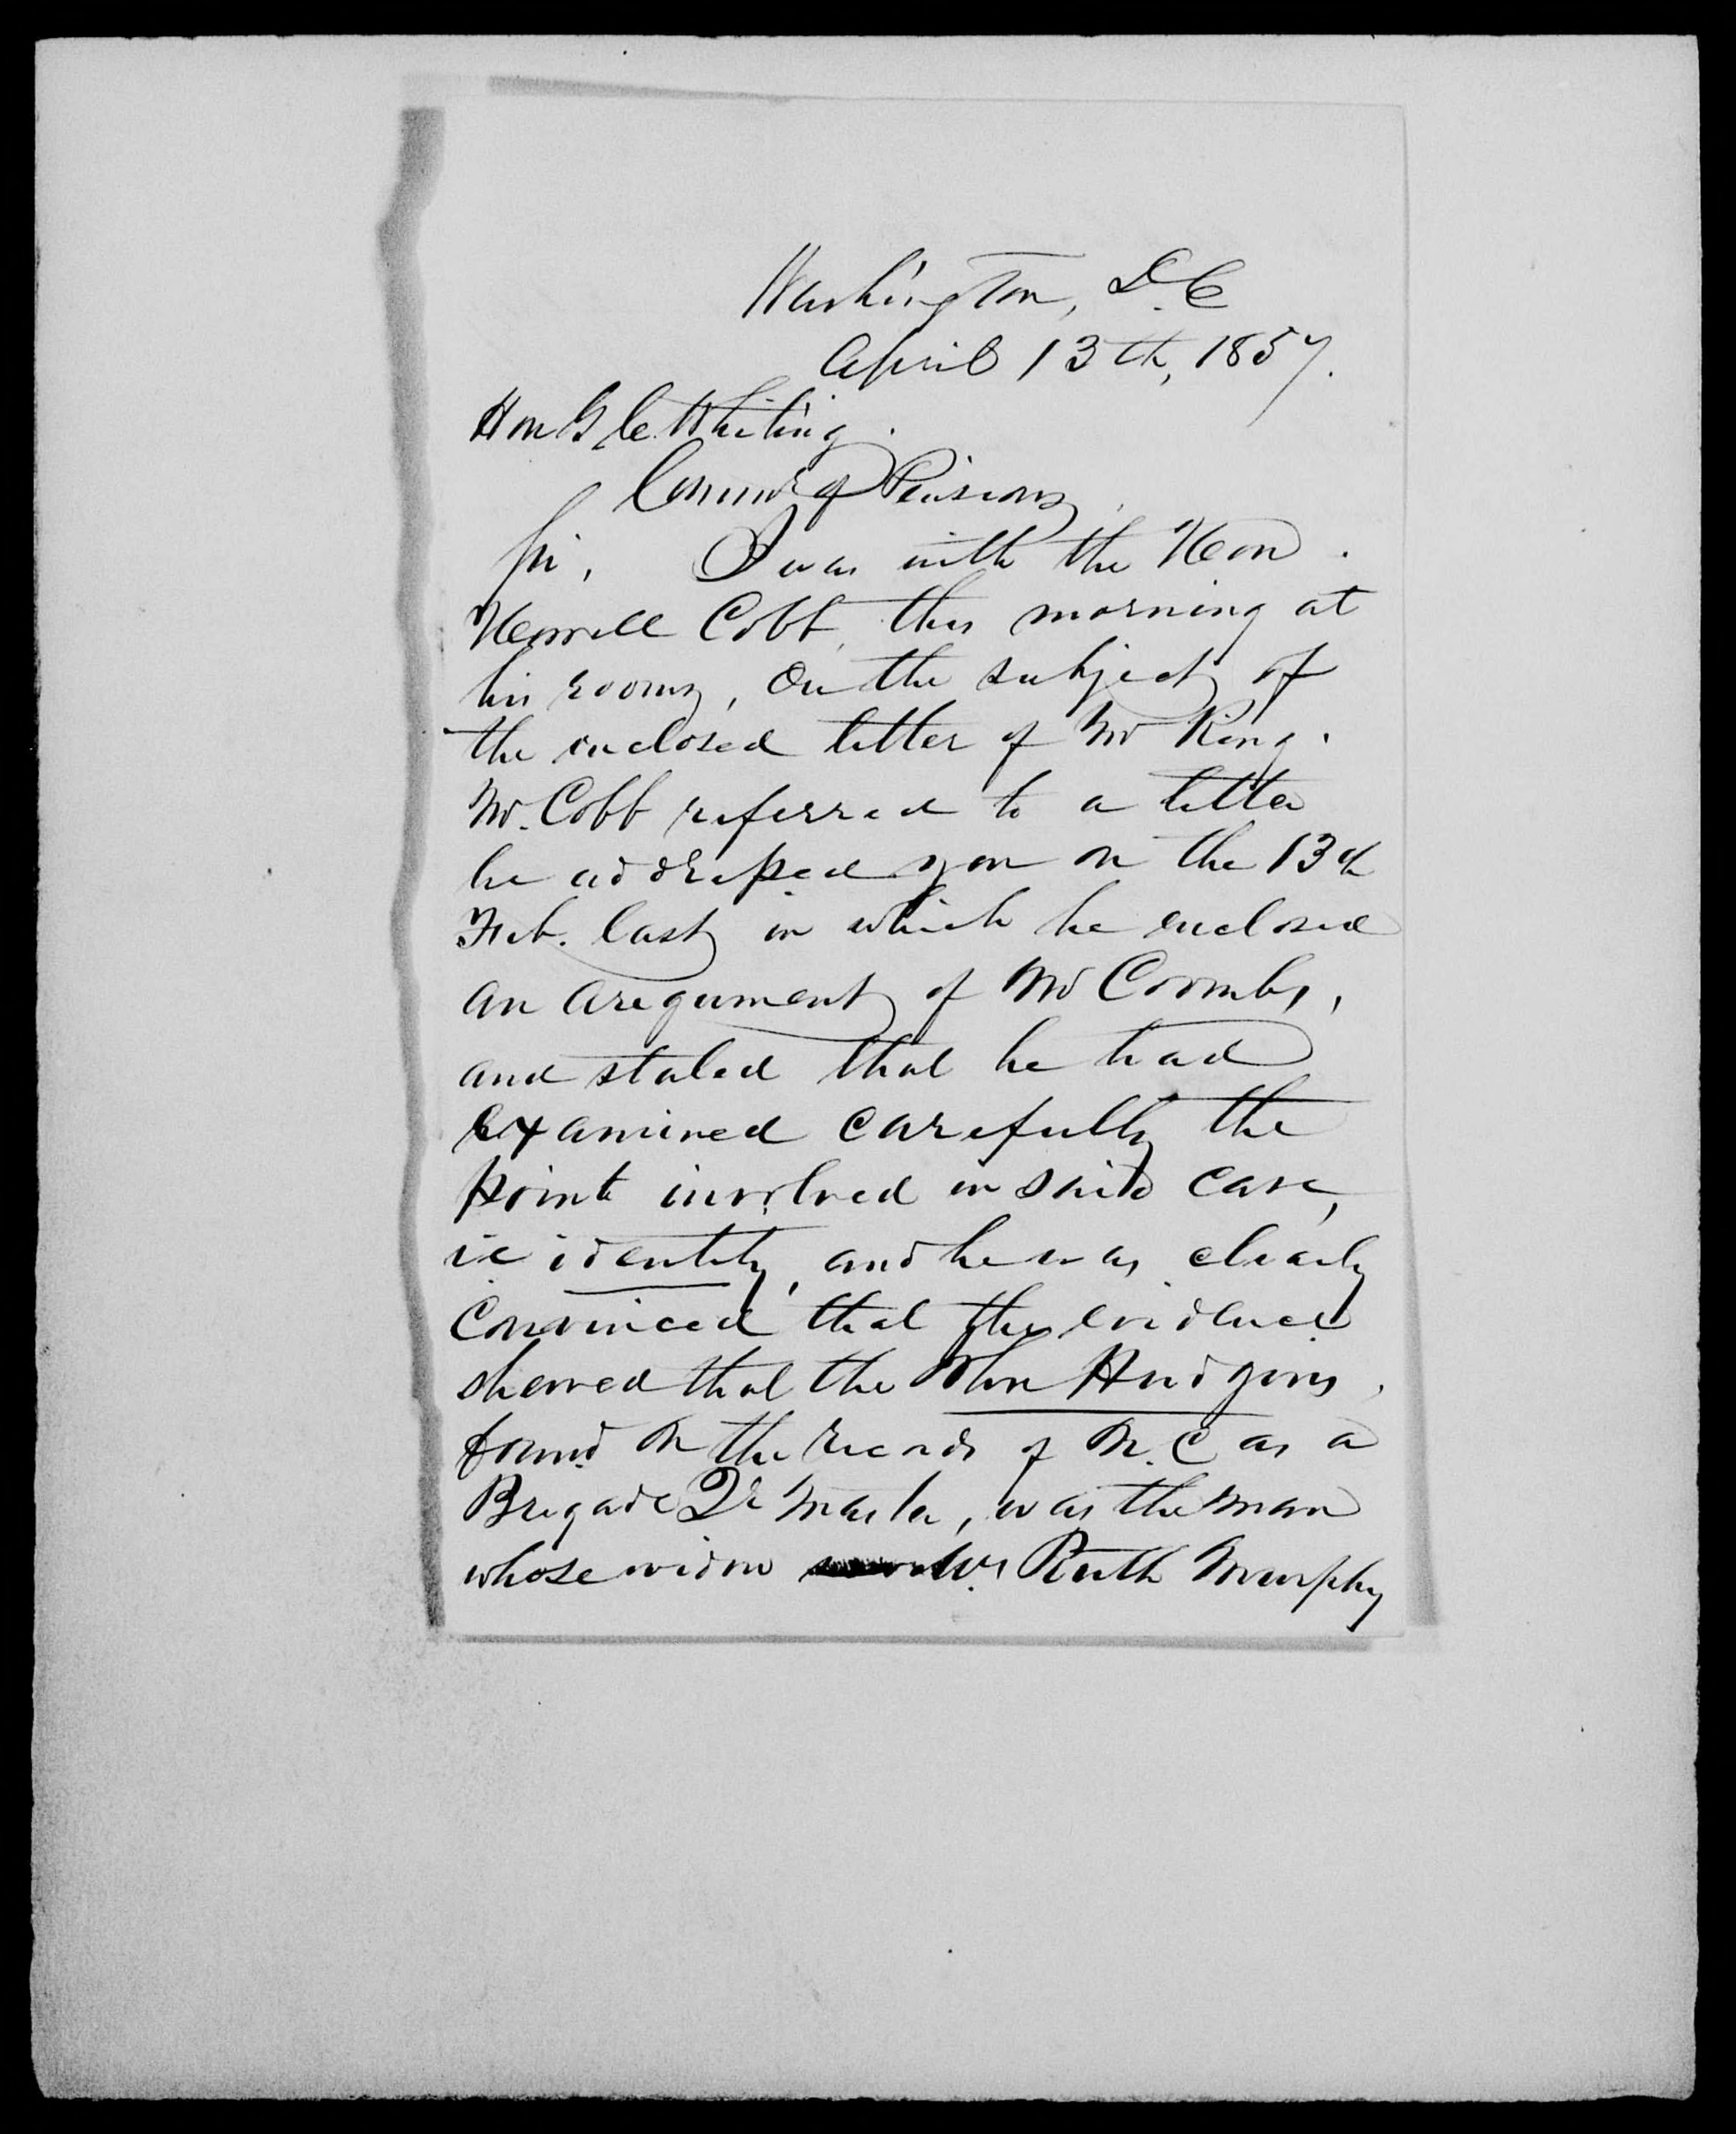Washington, DC
April 13th 1857
Hon G.C. Whiting.,
Sir: I was with the Hon. Vemill Cobb this morning at his room on the subject of the enclosed letter of Wm Ring & Mr. Cobb referred to a letter he wrote you own the 13th Feb. last in which he enclosed an argument of Mr. Coombs, and stated that he had examined carefully the point involved in this case, in identity, and he was clearly convinced that the involved showed that the Hon Hudgins found on the records of N.C as a Brigade (tow words not legible), is as the man whose widow is Ruth Murphy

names: Ruth Murphy, John Hudgins, King, Howell Cobb, G C Whiting, Coombs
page: 20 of 108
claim: rejected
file: R. 7,515, John Hudgins, N.C.